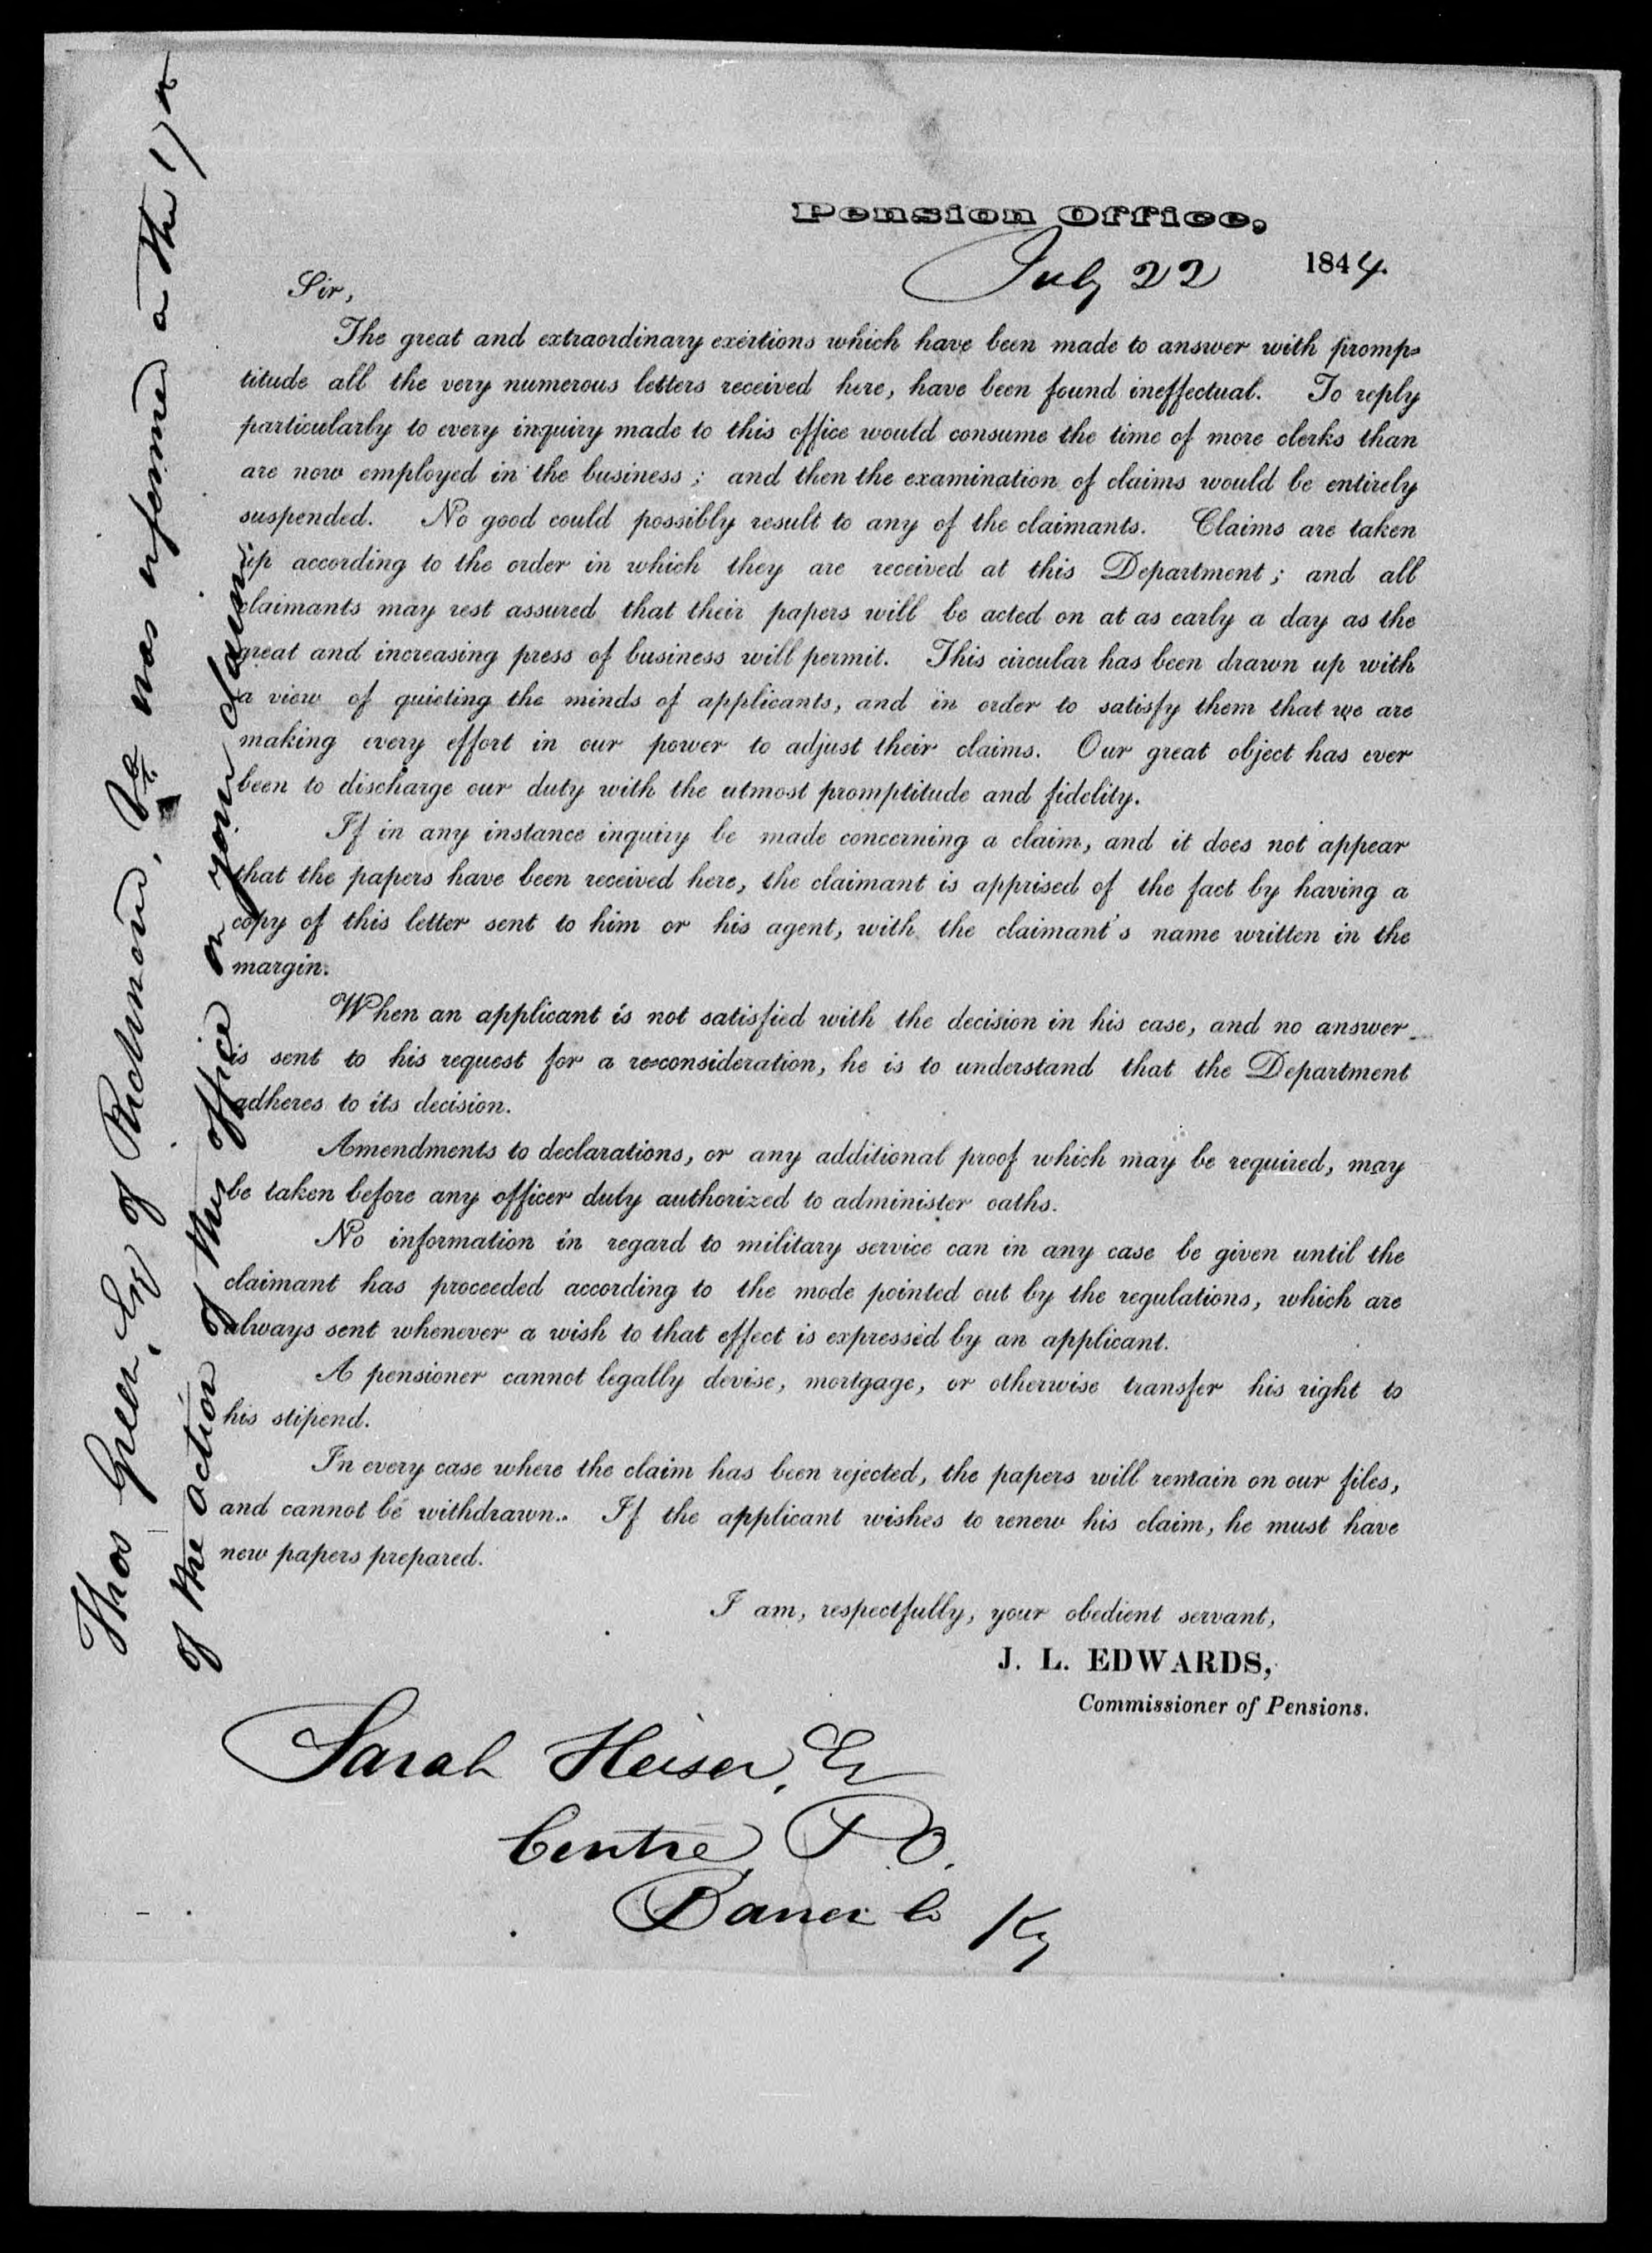Pension Office,    
[handwritten] July 22 1844

Sir,
     The great and extraordinary exertions which have been made to answer with promptitude all the very numerous letters received here, have been found ineffectual.  To reply particularly to every inquiry made to this office would consume the time of more clerks then are now employed in the business ; and then the examination of claims would be entirely suspended.  No good could possibly result to any of the claimants.  Claims are taken up according to the order in which they are received at this Department ; and all claimants my rest assured that their papers will be acted on at as early a day as the great and increasing press of business will permit.  This circular has been drawn up with a view of quieting the minds of applicants, and in order to satisfy them that we are making every effort in our power to adjust their claims.  Our great object has ever been to discharge our duty with the utmost promptitude and fidelity.
     If in any instance inquiry be made concerning a claim, and it does not appear that the papers have been received here, the claimant is apprised of the fact by having a copy of this letter sent to him or his agent, with the claimant's name written in the margin.
      When an applicant is not satisfied with the decision in his case and no answer is sent to his request for a reconsideration, he is to understand that the Department adheres to its decision.
     Amendments to declarations, or any additional proof which may be required, may be taken before any officer duly authorized to administer oaths.
     No information in regard to military service can in any case be given until the claimant has proceeded according to the mode pointed out by the regulations, which are always sent whenever a wish to that effect is expressed by an applicant.
     A pensioner cannot legally devise, mortgage, or otherwise transfer his right to his stipend.
     In every case where the claim has been rejected, the papers will remain on our files, and cannot be withdrawn.  If the applicant wishes to renew this claim, he must have new papers prepared.  

    I am, respectfully, your obedient servant,
         J.L. EDWARDS,    
           Commissioner of Pensions.                         
[handwritten]
Sarah Heiser
Centre P.O.
  Banes Ky

[handwritten note in left side margin]
Thos Green [illegible] of Richmond [illegible] was informed on the 7th of [illegible] action of their office on your claim.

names: J L Edwards, Thos Green, Sarah Heiser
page: 16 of 58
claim: widow's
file: W. 8932, John Hiser, Penn.